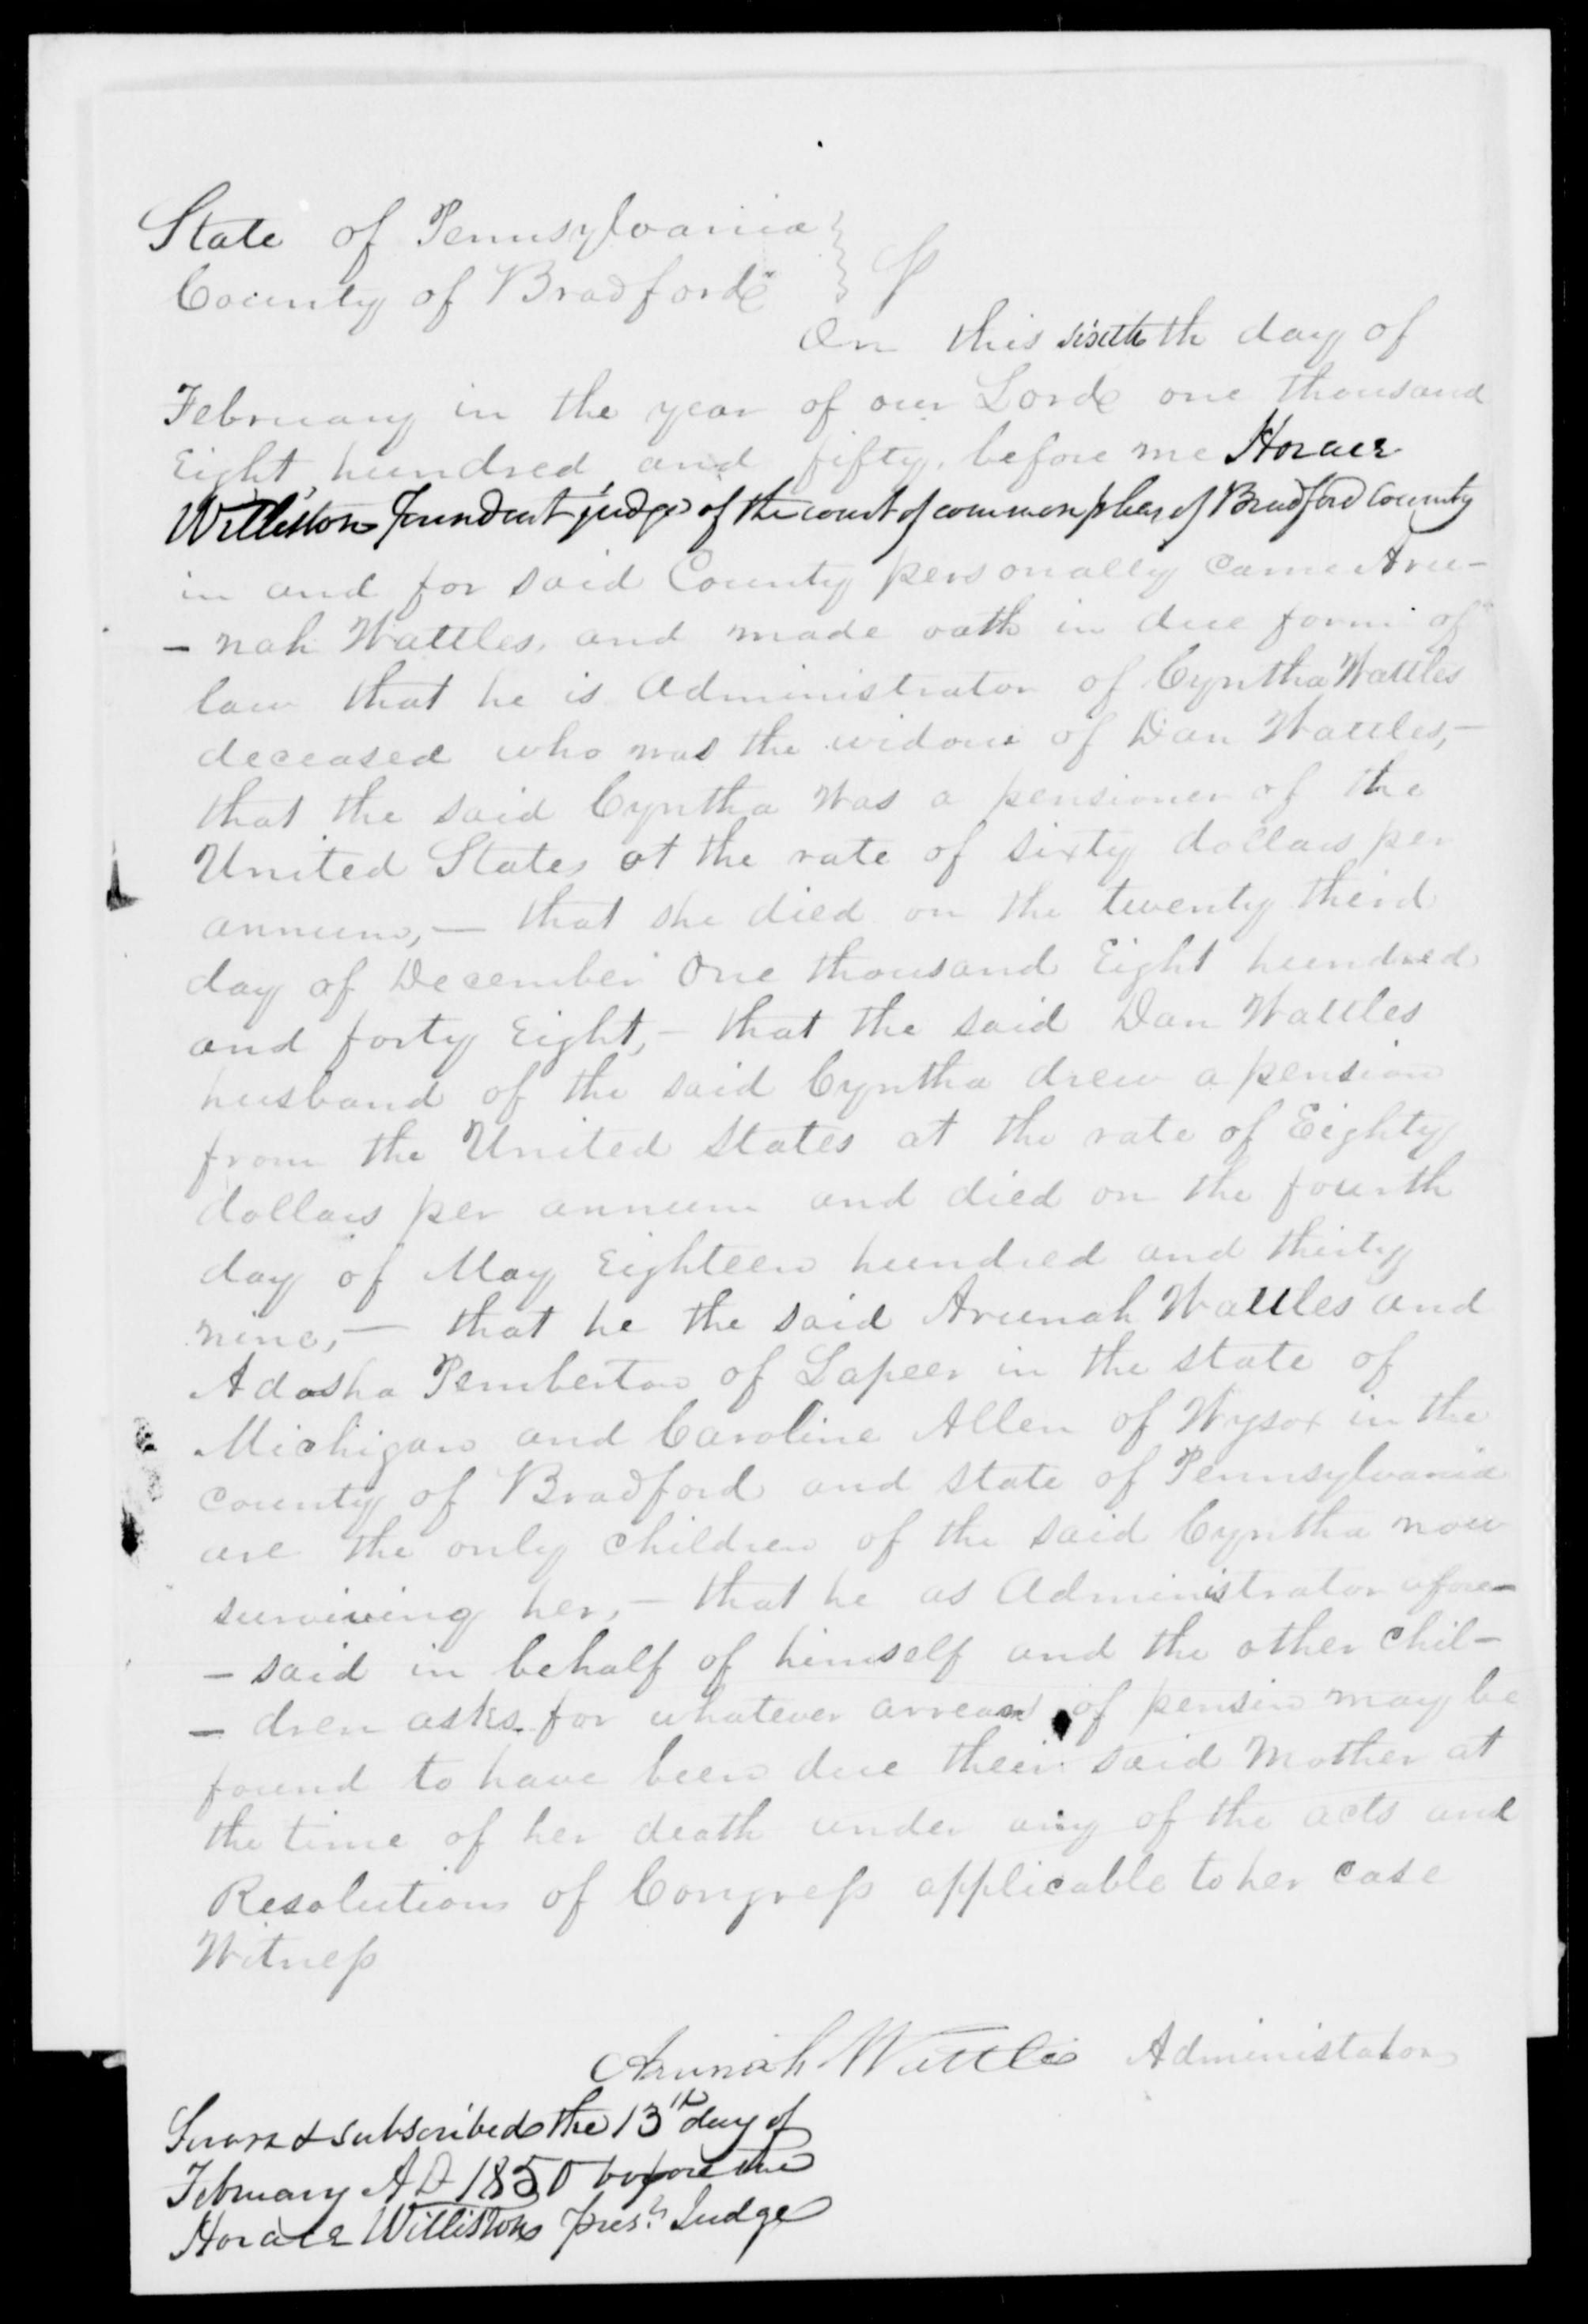State of Pennsylvania}
County of Bradford} ss.

On this sixth day of February in the year of our Lord one thousand Eight hundred and Fifty, before me Horace Williston [       ] judge of the court of common pleas of Bradford County in and for said County, personally came Arunah Wattles and made oath in due form of law that he is administrator of Cynthia Wattles deceased, who was the widow of Dan Wattles,.  That the said Cynthia was a pensioner of the United States at the rate of sixty dollars per annum,  that she died on the twenty third day of December one thousand Eight hundred and forty Eight,  That the said Dan Wattles, husband of the said Cynthia,  drew a pension from the United States at the rate of Eighty dollars per annum and died on the fourth day of May Eighteen hundred and thirty nine,  that he the said Arunah Wattles and Adosha Pemberton of Lapeer in the state of Michigan and Caroline Allen of Wysox in the county of Bradford and state of Pennsylvania are the only children of the said Cynthia now surviving her,  that he as Administrator aforesaid in behalf of himself and the other children asks for whatever arrears of pension may be found to have been due their said Mother at the time of her death under any of the acts and Resolutions of Congress applicable to her case.
Witness
Arunah Wattles

Sworn & subscribed the 13th day of February AD 1850 before the Horace Williston present Judge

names: Adosha Pemberton, Horace Williston, Caroline Allen, Arunah Wattles, Dan Wattles, Cyntha Wattles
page: 6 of 70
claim: widow's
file: W. 3743, Dan Wattles, Conn.